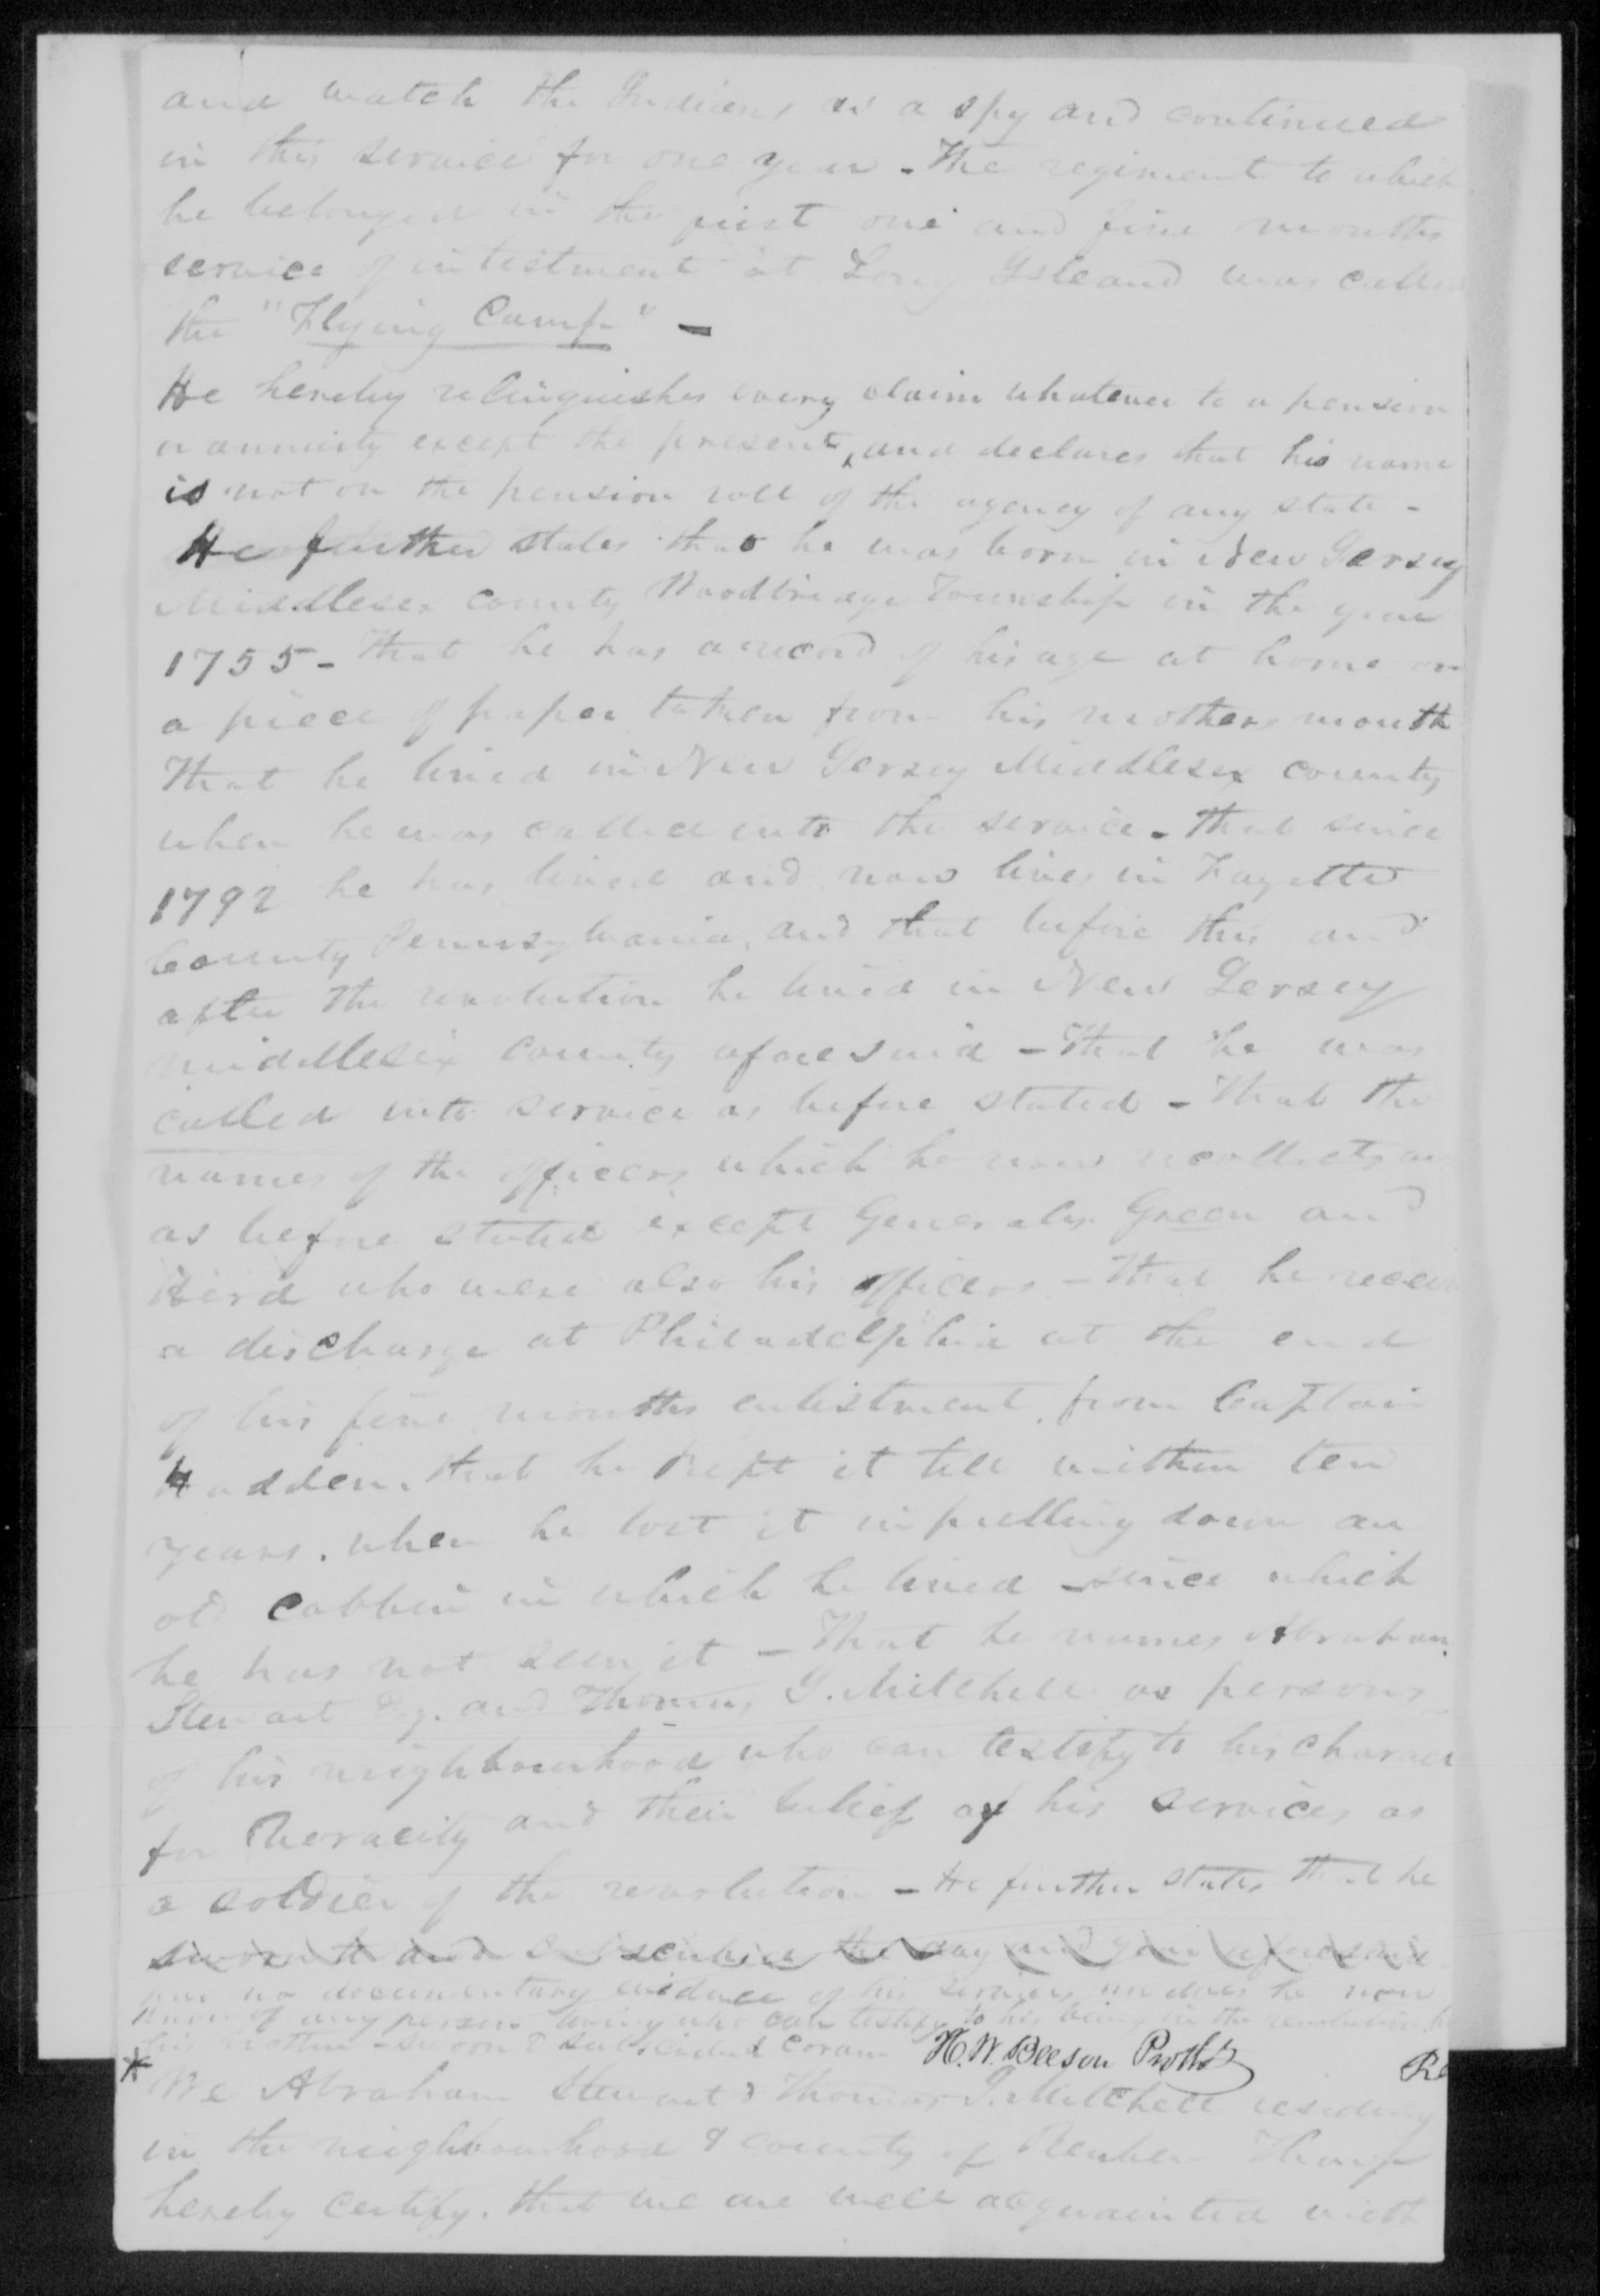and watch the Indians as a spy and continued
in this service for one year. The regiment to which he belonged in the first one and five months service enlistment at Long Island was called the "Flying Camp-

He hereby relinquishes every claim whatever to a pension or annuity except the present and declares that his name is not on the pension roll of the agency of any state-

He further states that he was born in New Jersey Middlesex County Woodbridge Township in the year 1755 - that he has a record of his age at home on a piece of paper taken from his mother mouth. That he lived in New Jersey Middlesex County when he was called into the service. That said 1792 he has lived and now live in Fayette County Pennsylvania, and that before the and after the revolution he lived in New Jersey Middlesex County aforesaid- That he was called into service as before stated. That the names of the officers which he now recollects a as before stated except Generals Green and Hird who were also his officers-- That he received a discharge at Philadelphia at the end of his five months enlistment from Captain Hadden, that he kept it till within ten
years, when he lost it in pulling down an old cabbin [cabin] in which he lived since which
he has not seen it-- That he names Abraham
Stewart and Thomas G. Mitchell as persons
his neighbourhood who can testify to his character for veracity and their belief of his service, as a soldier of the revolution - He further states that he [entire line crossed out] has no documentary evidence of his service, nor does he know of any person living who can testify to his being in the revolution save his brother.

Sworn to and subscribed [illegible] 
H.W. Beeson Prothonotary.   Re[rest is cut off]

We Abraham Stewart Thomas G Mitchell residing in the neighbourhood & county of Reuben Thorp hereby certify, that we are well acquainted with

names: [BLANK] Hadden; Reuben Thorp; Abraham Stewart; [BLANK] Green; Thomas G Mitchell; H W Beeson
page: 7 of 28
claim: survivor's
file: S. 6229, for Reuben Thorp, New Jersey